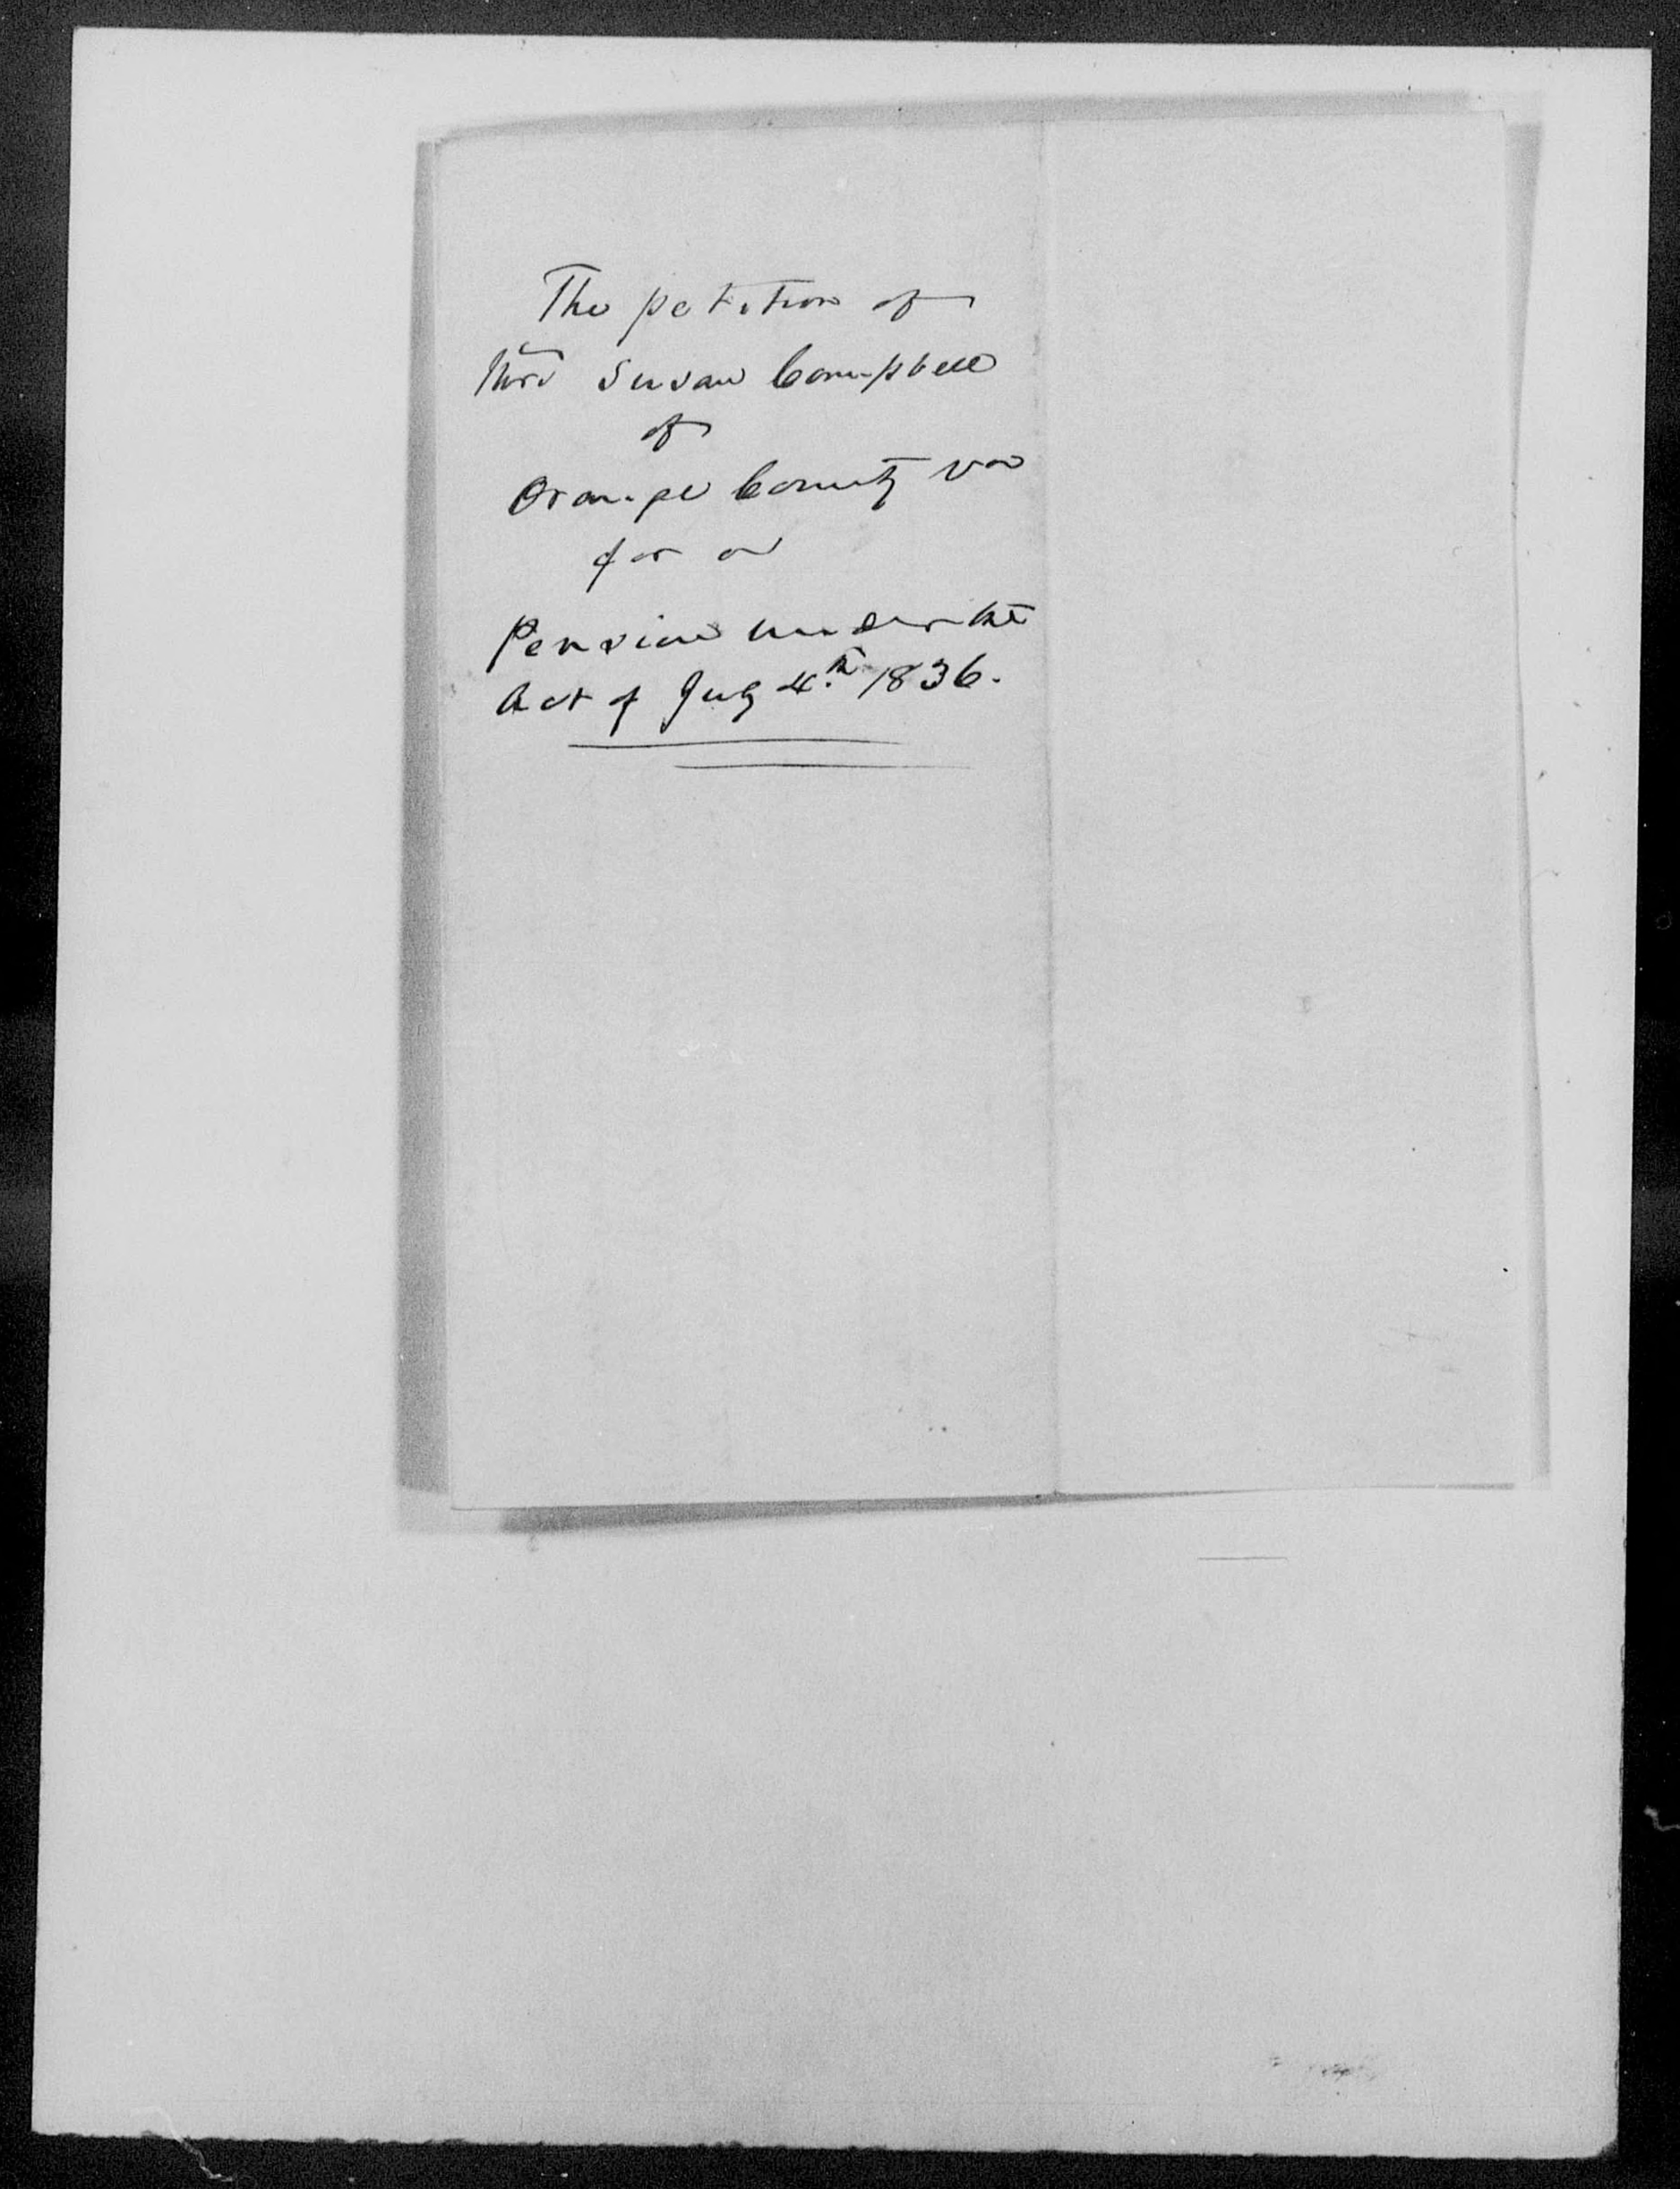The petition of
Mrs Susan Campbell
of
Orange County Va
for a
Pension under the
Act of July 4th. 1836.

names: Susan Campbell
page: 136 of 267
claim: widow's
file: W. 4,149, William Campbell, Va.